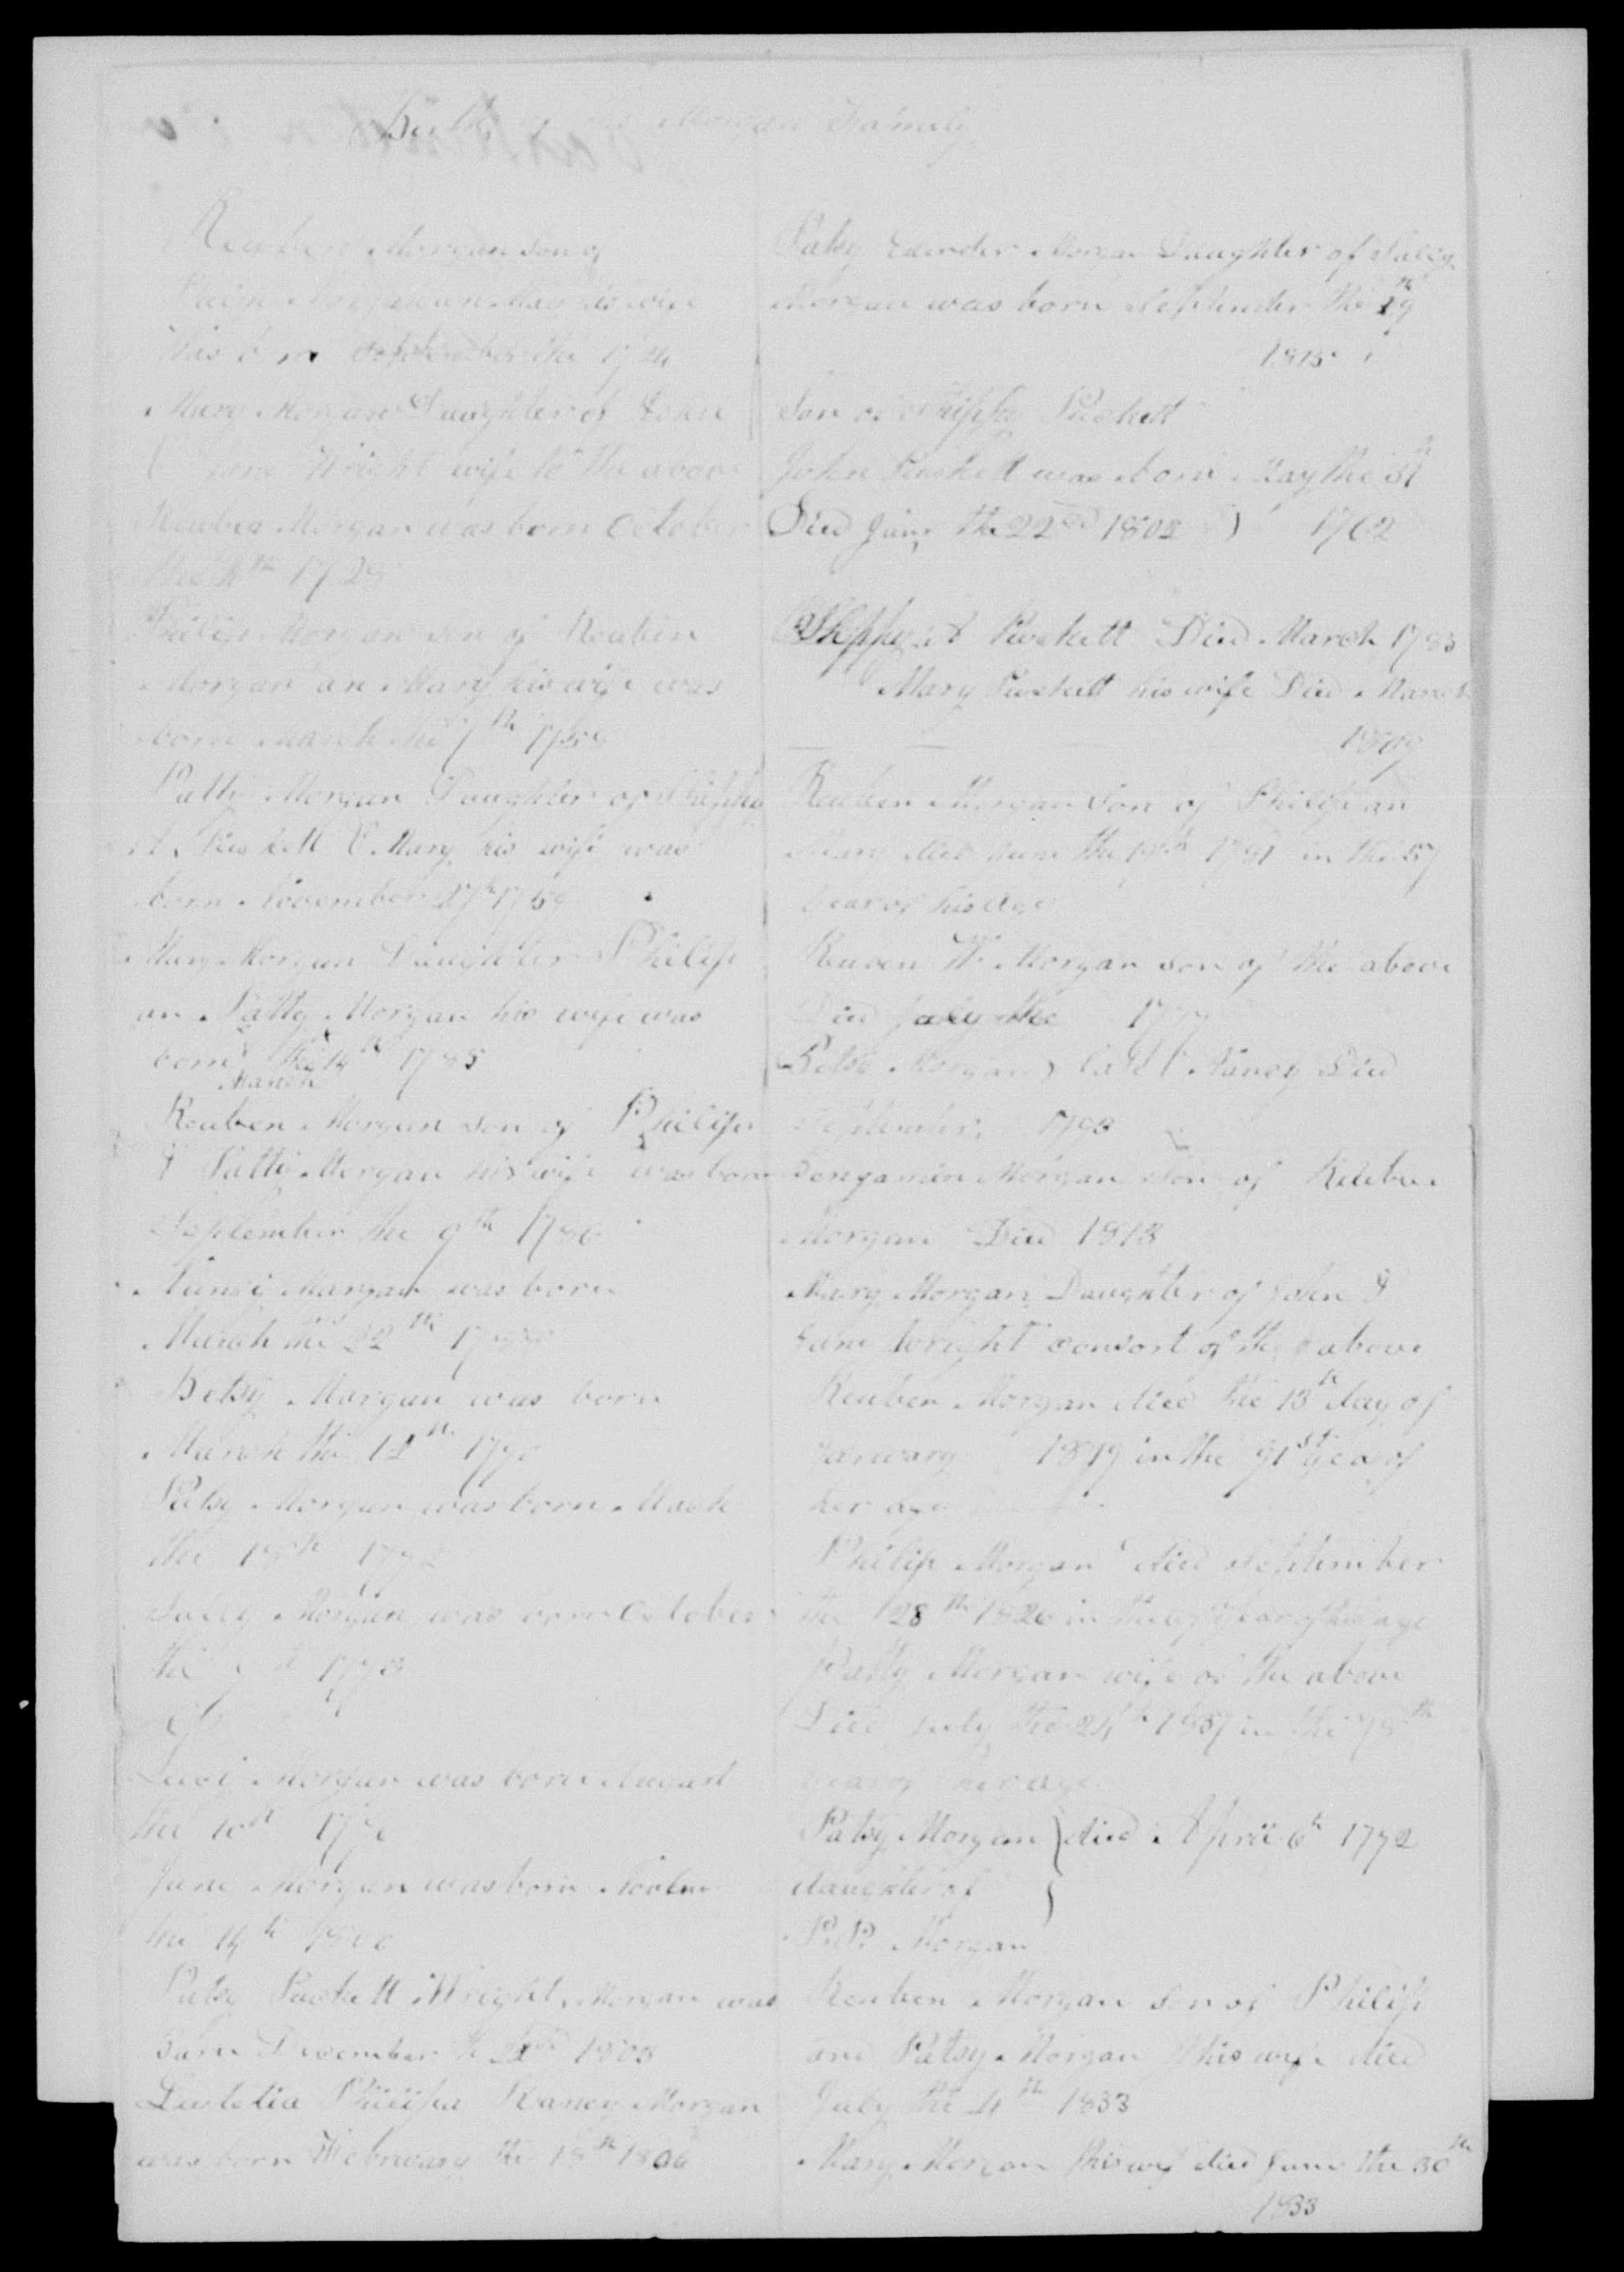Births of the Morgan Family
Reuben Morgan Son of
Philip Morgan and Mary his wife,
was born September 1724
Mary Morgan daughter of John
and Jane Wright wife to the above
Reuben Morgan was born October
4th 1728
Philip Morgan son of Reuben
Morgan and Mary his wife was
born March 17th 1758
Patty [Patsy] Morgan Daughter of Shippy 
A. Puckett & Mary his wife, was 
born November 27, 1759
Mary Morgan Daughter of Philip
and Patsy Morgan his wife was
born March the 14th 1785
Reuben Morgan son of Philip
& Patty [Patsy] Morgan his wife was born
September the 9th 1786
Nancy Morgan was born
March the 22th 1788
Betsy [Betty] Morgan was born
March the 12th 1790
Patsy Morgan was born March 
The 13th 1792
Sally Morgan was born October
The 9th 1793
Luci [Lucy] Morgan was born August
The 10th 1796
Jane Morgan was born November
The 14th 1800
Patsy Puckett Wright Morgan was
Born December the 22th 1803
Letitia Philip Raney Morgan
was born February the 18th 1806

Patsy Elender Morgan Daughter of Sally
Morgan was born September the 29
1815
Son of Shippy Puckett
John Puckett was born May the 31 1762
Died June the 22nd 1803
Shippy A Puckett Died March 1783
     Mary Puckett his wife Died March 
                                                  1809
Reuben Morgan son of Phillip and
Mary died June the 14th 1781 in the 57
year of his age
Reuben W Morgan son of the above
Died July the ___ 1777
Betsy Morgan late of Nancy Died
September 1793
Benjamin Morgan Son of Reuben
Morgan Died 1813
Mary Morgan Daughter of John &
Jane Wright consort of the above
Reuben Morgan died the 13th day of
January 1819 in the 91st year of
her age
Philip Morgan died September
the 28th 1826 in the 68 year of his age
Patty [Patsy] Morgan wife of the above
Died July the 24th 1839 in the 79th
year of her age
Patsy Morgan daughter of P. P. Morgan died April 6th 1792
Reuben Morgan son of Philip
and Patsy Morgan his wife died
July the 4th 1833
Mary Morgan his wife died June the 30th
1833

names: Sath Morgan; Jesse Purkett; Joseph Purkett; Philip Morgan; Shepherd Purkett; Patsy Morgan; Henry Morgan; Reuben Morgan; Polly Morgan; Betsy Morgan; Mary Morgan; Reuben F Morgan; Levi Morgan; Peter Morgan; Benjamin Nelson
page: 5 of 16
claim: rejected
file: R 7386, for Philip Morgan, Georgia